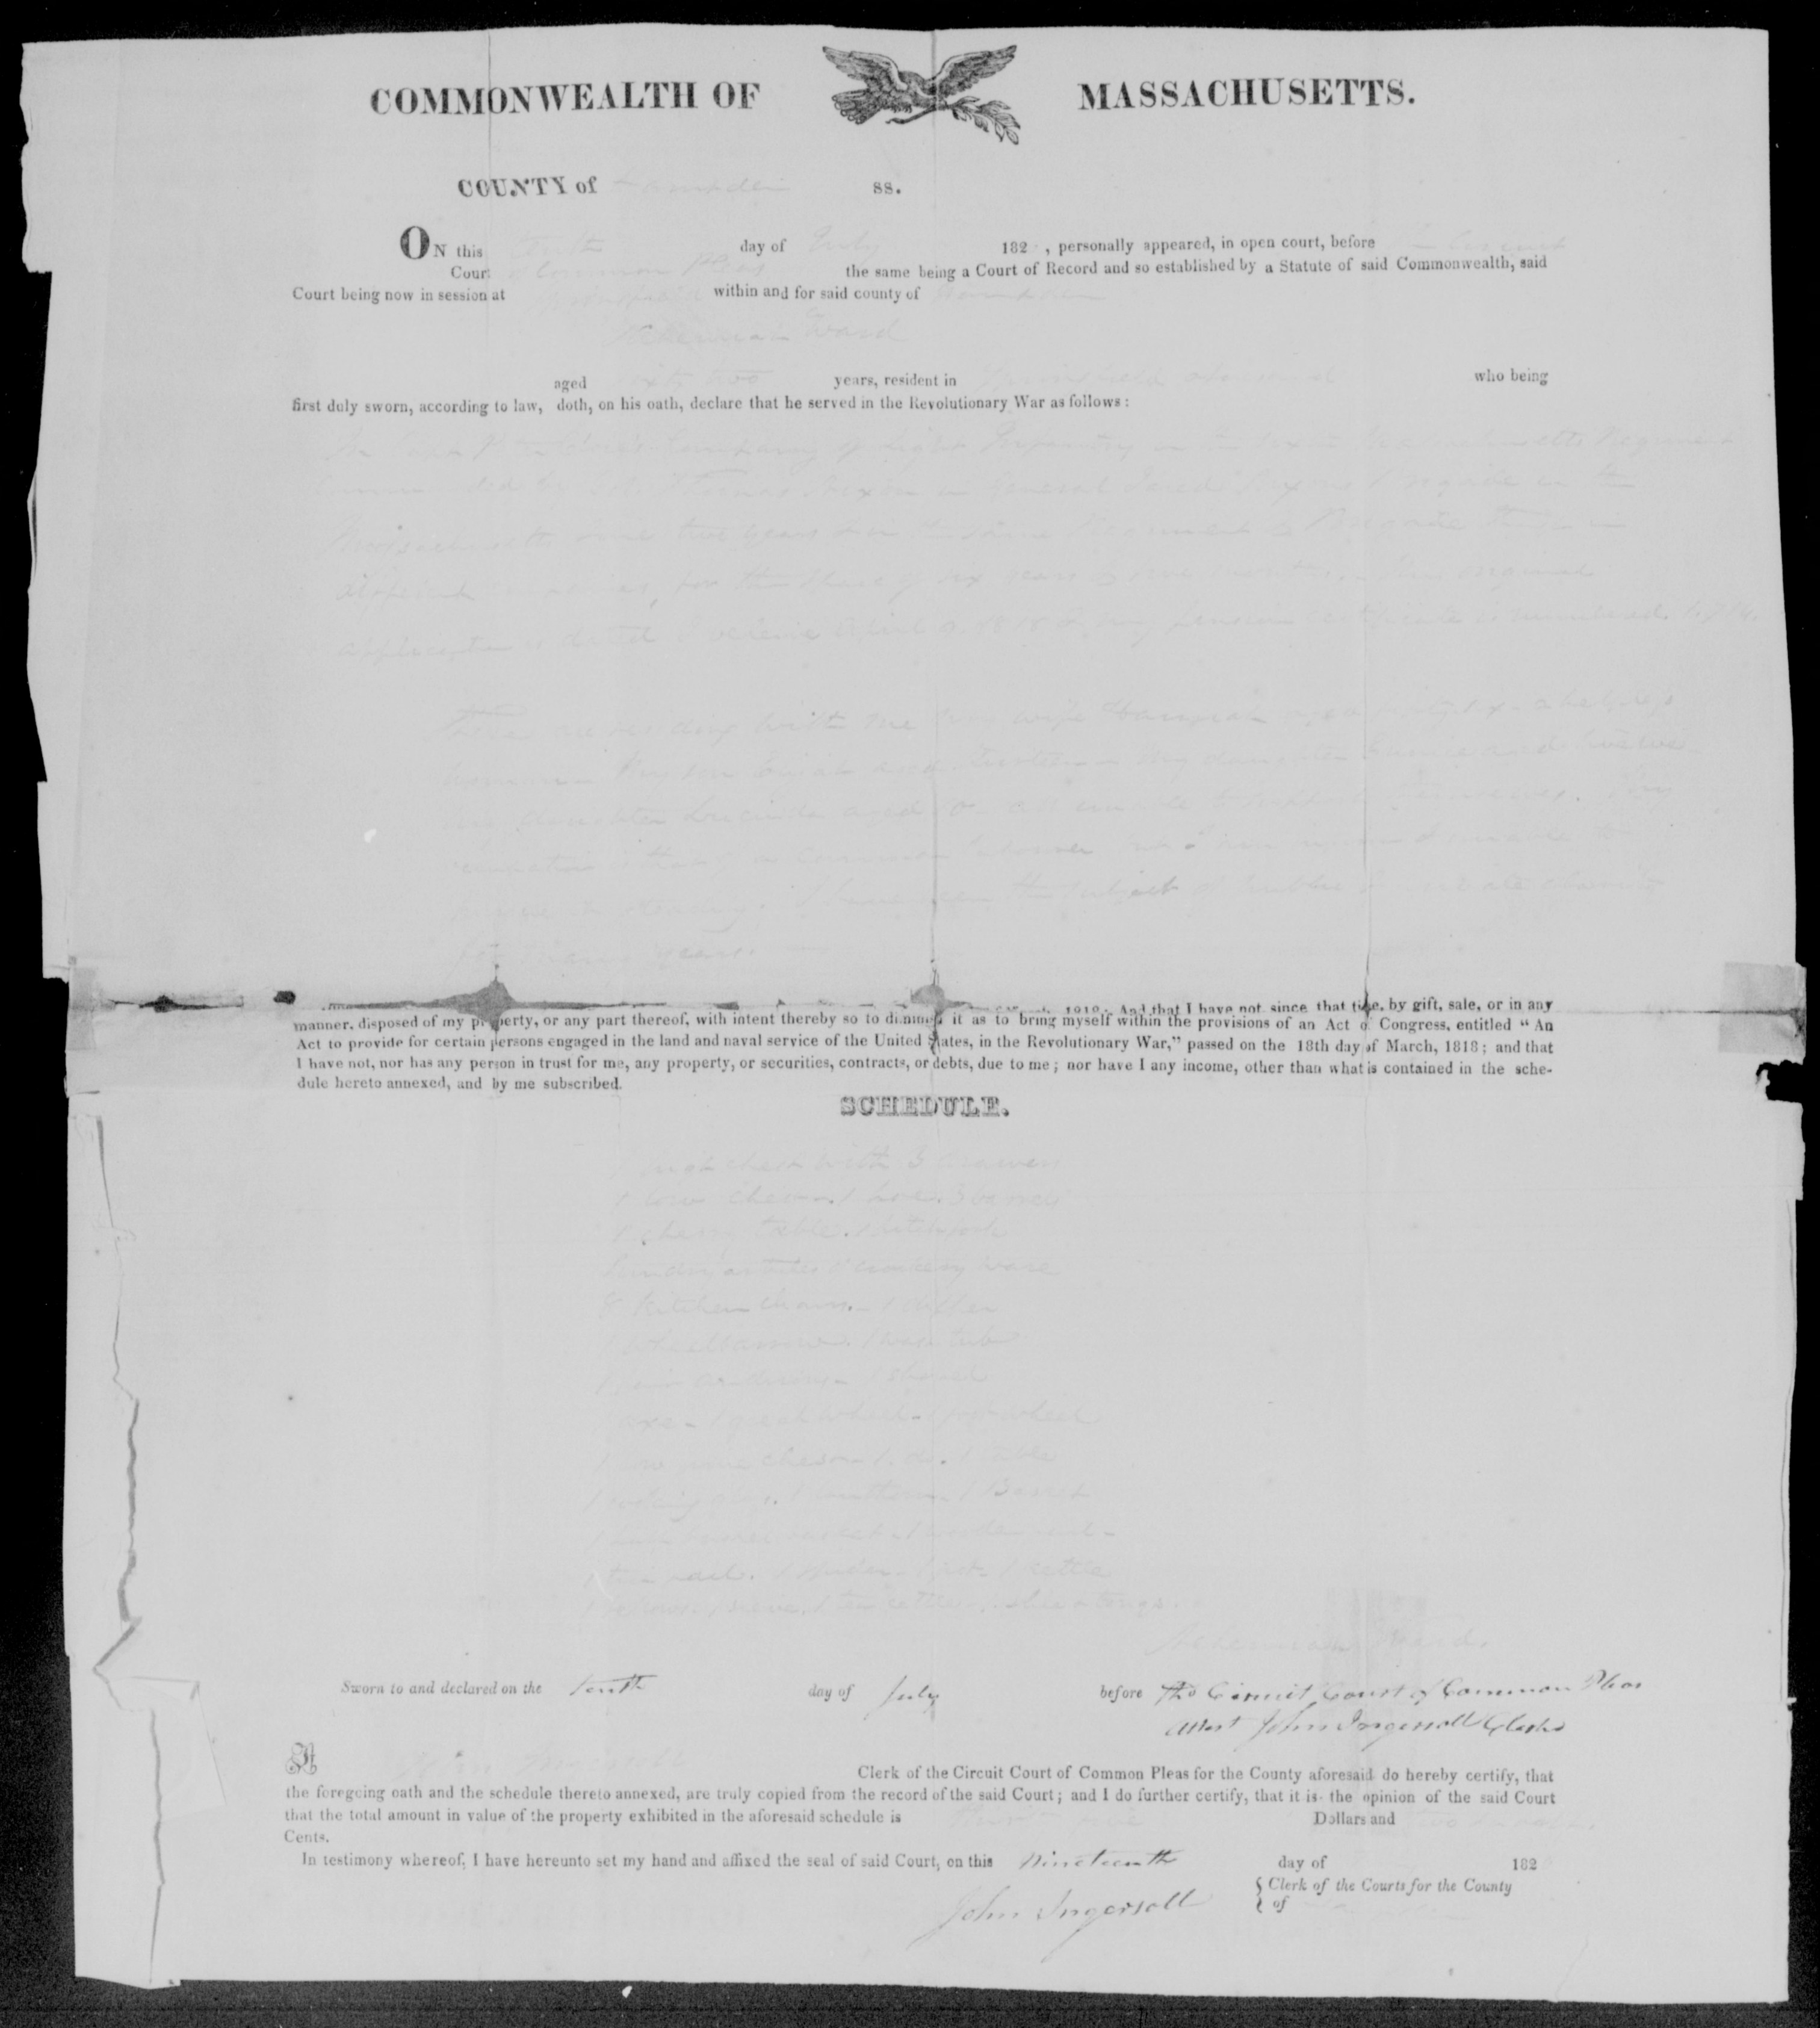COMMONWEALTH OF MASSACHUSETTS
COUNTY of Hampden  ss.
On this tenth day of July 1820 personally appeared, in open court, before Court of Common Pleas the same being a Court of Record and so established by a Statute of said Commonwealth, said Court being now in session at Springfield within and for said county of Hampden 
Nehemiah Ward
aged sixty two years, resident in Springfield aforesaid who being first duly sworn, according to law, doth, on his oath, declare that he served in the Revolutionary War as follows: In Capt Peter Clark's Company of Light Infantry in the Sixth Massachusetts Regiment Commanded by Col. Thomas Nixon in General Jared Nixon's Brigade in the Massachusetts Line two years & in this same Regiment & Brigade though in different companies, for the space of six years & five months, the original application is dated I believe April 9. 1818 & my pension certificate is numbered 6714.
There are residing with me, my wife Hannah aged fifty six __ a helpless pensioner ___ my son Elijah aged thirteen  __ my daughter Eunice aged twelve __ my daughter Lucinda aged 10 _ all unable to support themselves.  My occupation is that of a common laborer but I have injuries & unable to possible standing.  I have been the subject of troubles & private calamities for many years. 

[illegible text] And that I have not since that time, by gift, sale, or in any manner, disposed of my property, or any part thereof, with intent thereby so to diminish it as to bring myself within the provisions of an Act of Congress, entitled "An Act to provide for certain persons engaged in the land and naval service of the United States, in the Revolutionary War,” passed on the 18th day of March, 1818; and that I have not, nor has any person in trust for me, any property, or securities, contracts, or debts, due to me; nor have I any income, other than what is contained in the schedule hereto annexed, and by me subscribed. 

SCHEDULE. 

1 high chest with 3 drawers
1 low chair. 1 hoe. 3 barrels
1 cherry table. 1 pitchfork
Sundry articles of cooking ware
& kitchen chairs. 1 dipper
1 wheelbarrow. 1 wash tub
1 pair andirons -- 1 shovel
1 axe __ 1 great wheel __ 1 post wheel
1 low pine chasmal lids. 1 table
1 milking glass. 1 lantern. 1 basket
1 half barrel basket. 1 wooden pail
1 tin pail. 1 strider light. 1 kettle
1 bellows. 1 sieve. 1 tin kettle __ a pr. shoe & strings
Nehemiah Ward

Sworn to and declared on the tenth day of July before the Circuit Court of Common Pleas Attest John Ingersoll 
I John Ingersoll Clerk of the Circuit Court of Common Pleas for the County aforesaid do hereby certify, that the foregoing oath and the schedule thereto annexed, are truly copied from the record of the said Court; and I do further certify, that it is the opinion of the said Court that the total amount in value of the property exhibited in the aforesaid schedule is thirty five Dollars and two& a quarter Cents. In testimony whereof, I have hereunto set my hand and affixed the seal of said Court, on this nineteenth 1820 John Ingersoll. {Clerk of the Courts for the County of Hampden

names: John Ingersoll, John Ingersoll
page: 5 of 9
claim: survivor's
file: S. 33869, Nehemiah Ward, Mass.